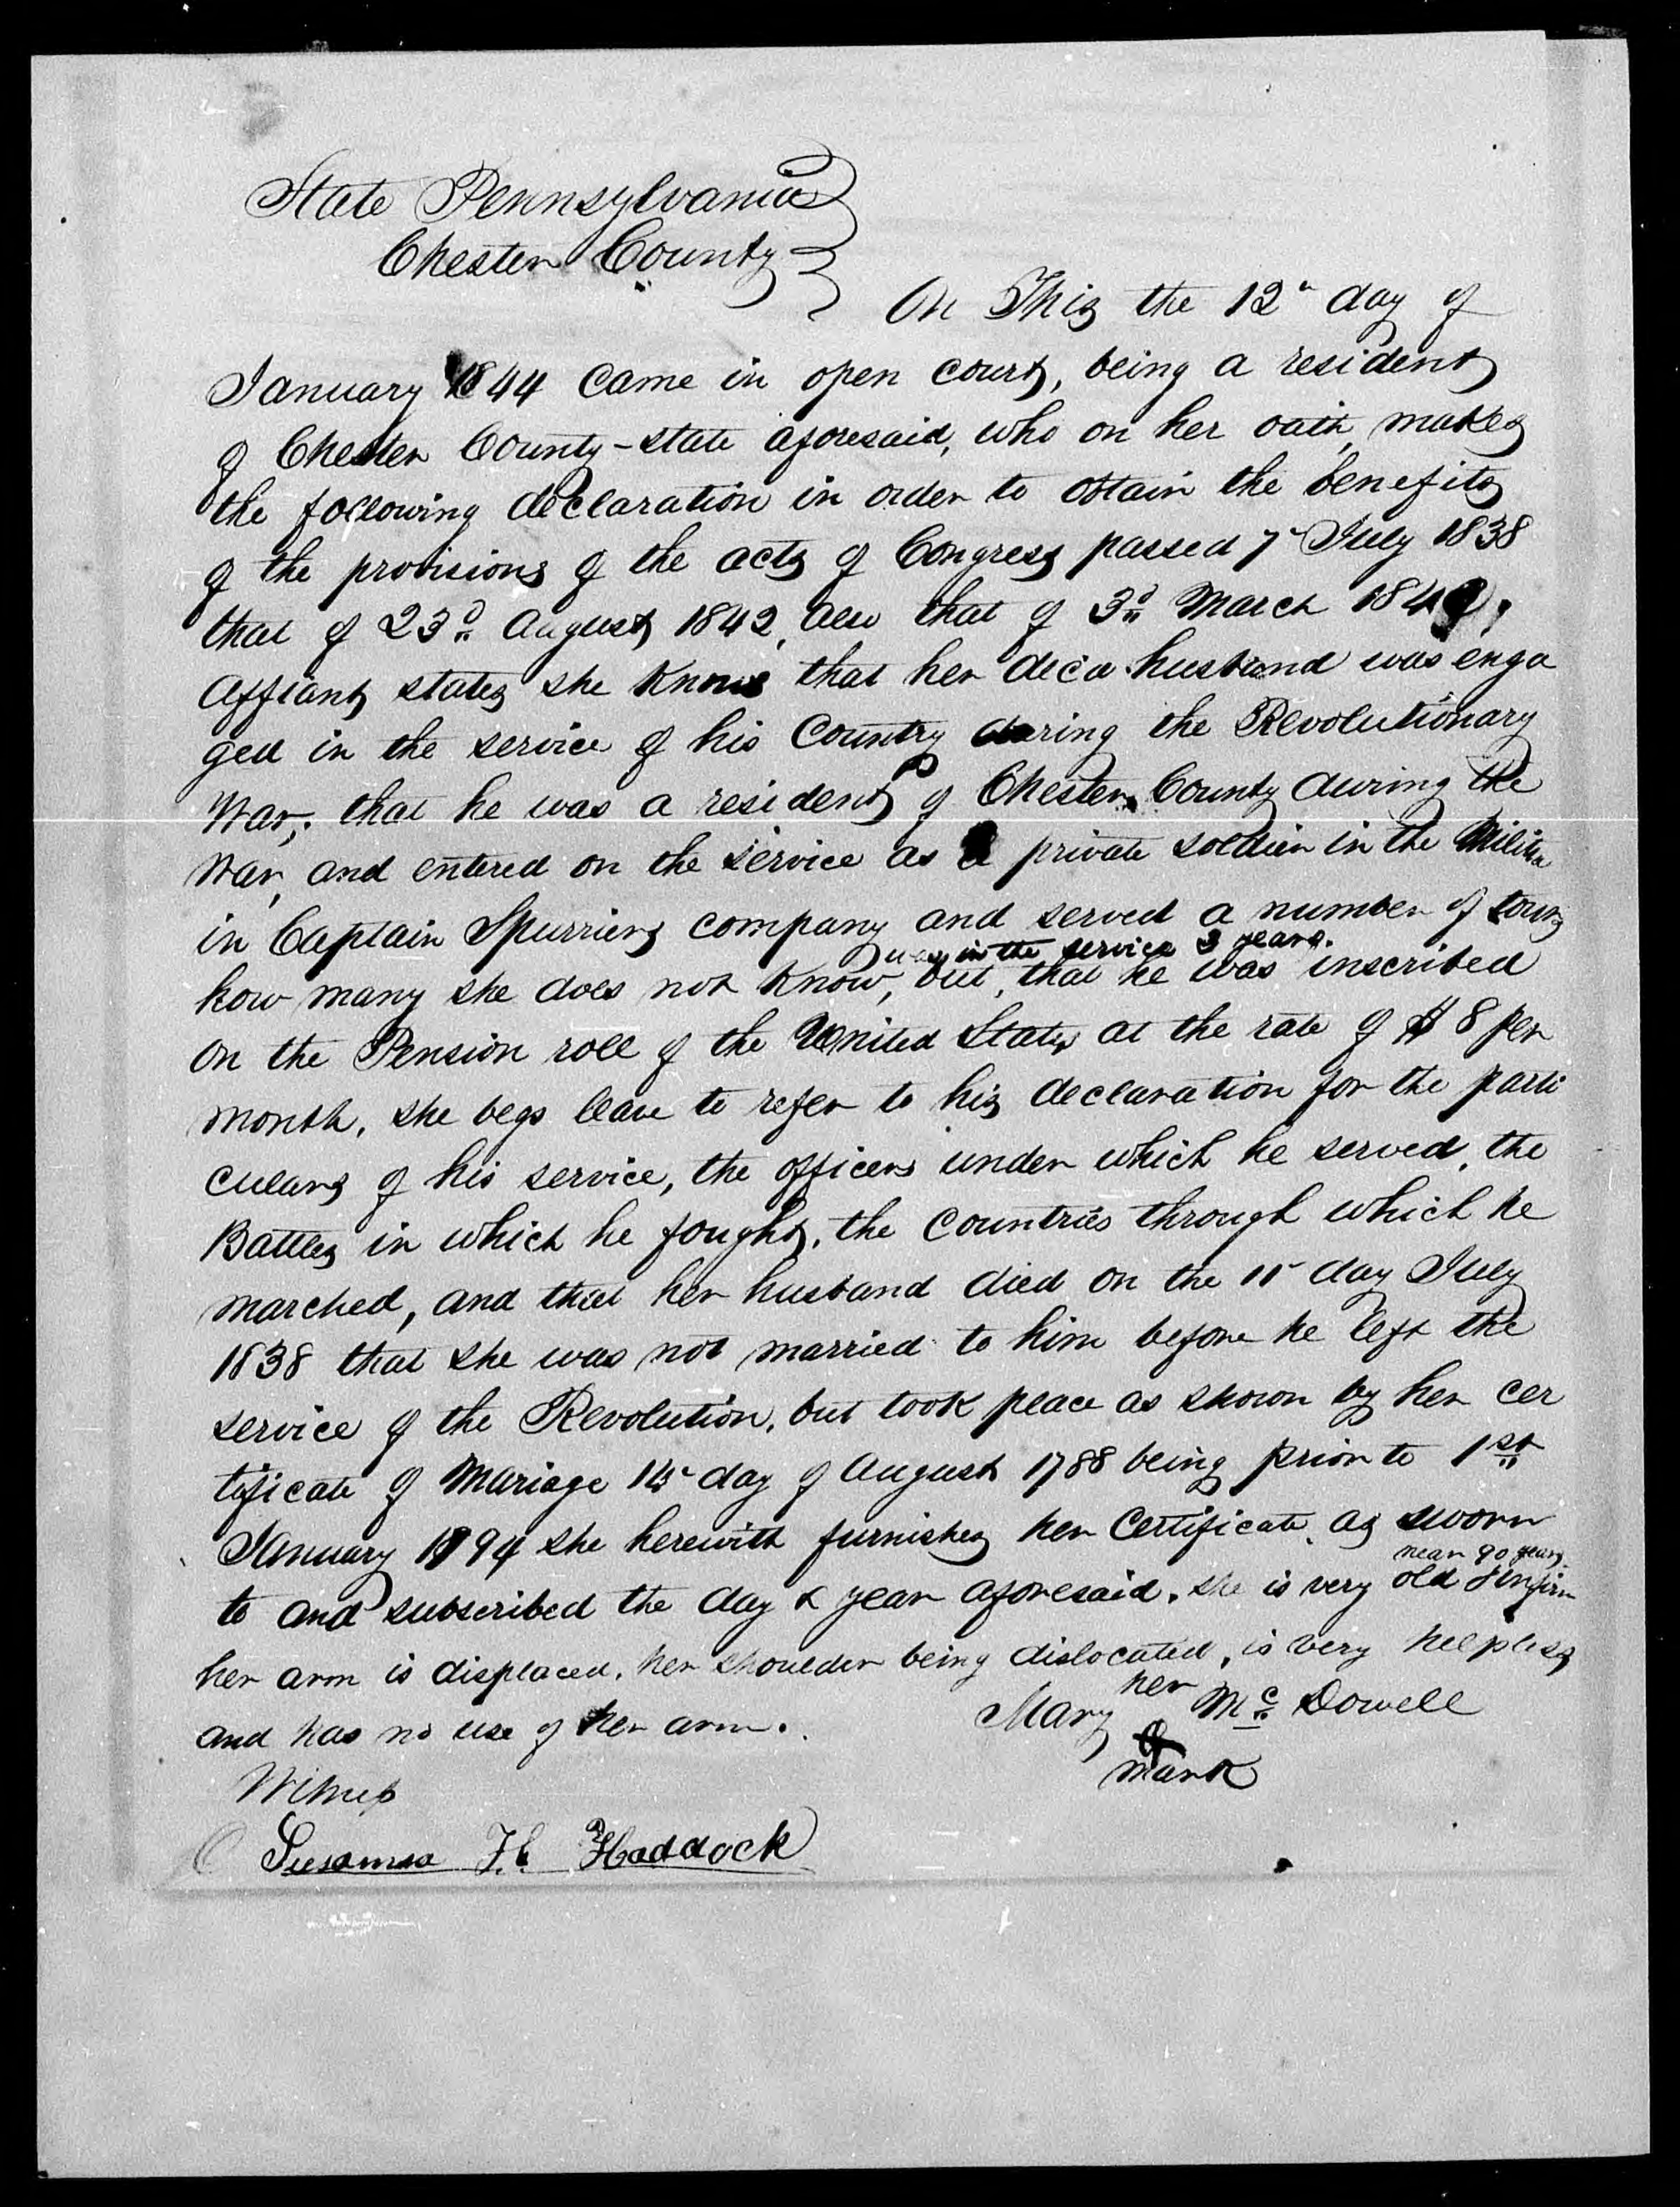State of Pennsylvania   )
   Chester County         )
                                     On This the 12h day of January 1844 came in open court, being a resident of Chester County - state aforesaid, who on her oath makes the following declaration in order to obtain the benefits of the provisions & the acts of Congress passed 7 July 1838 that of 23d August 1842, also that of 3d March 1843.  Affiant states she knows that her dec'd. husband was engaged in the service of his country during the Revolutionary War; that he was a resident of Chester County during the War, and entered on the service as a private soldier in the Militia in Captain Spurriers company and served a number of tours, how many she does not know, was in the service 3 years, but, that he was inscribed on the Pension roll of the United States at the rate of $8 per month, she begs leave to refer to his declaration for the particulars of his service, the officers under which he served, the Battles in which he fought, the countries through which he marched, and that her husband died on the 11h day July 1838 that she was not married to him before he left the service of the Revolution, but took place as shown by her certificate of Mariage 11h day of August 1788 being prior to act January 1894 she herewith furnishes her Certificate as sworn to and subscribed the day & year aforesaid.  She is very old & infirm near 90 years, her arm is displaced, her shoulder being dislocated, is very helpless and has no use of her arm.
   Mary (her mark) McDowell
Witness
Susanna F. Haddock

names: Susanna F Haddock; Mary Mc Dowell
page: 54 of 63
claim: widow's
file: W 2957, for Thomas Mc Dowell, Maryland